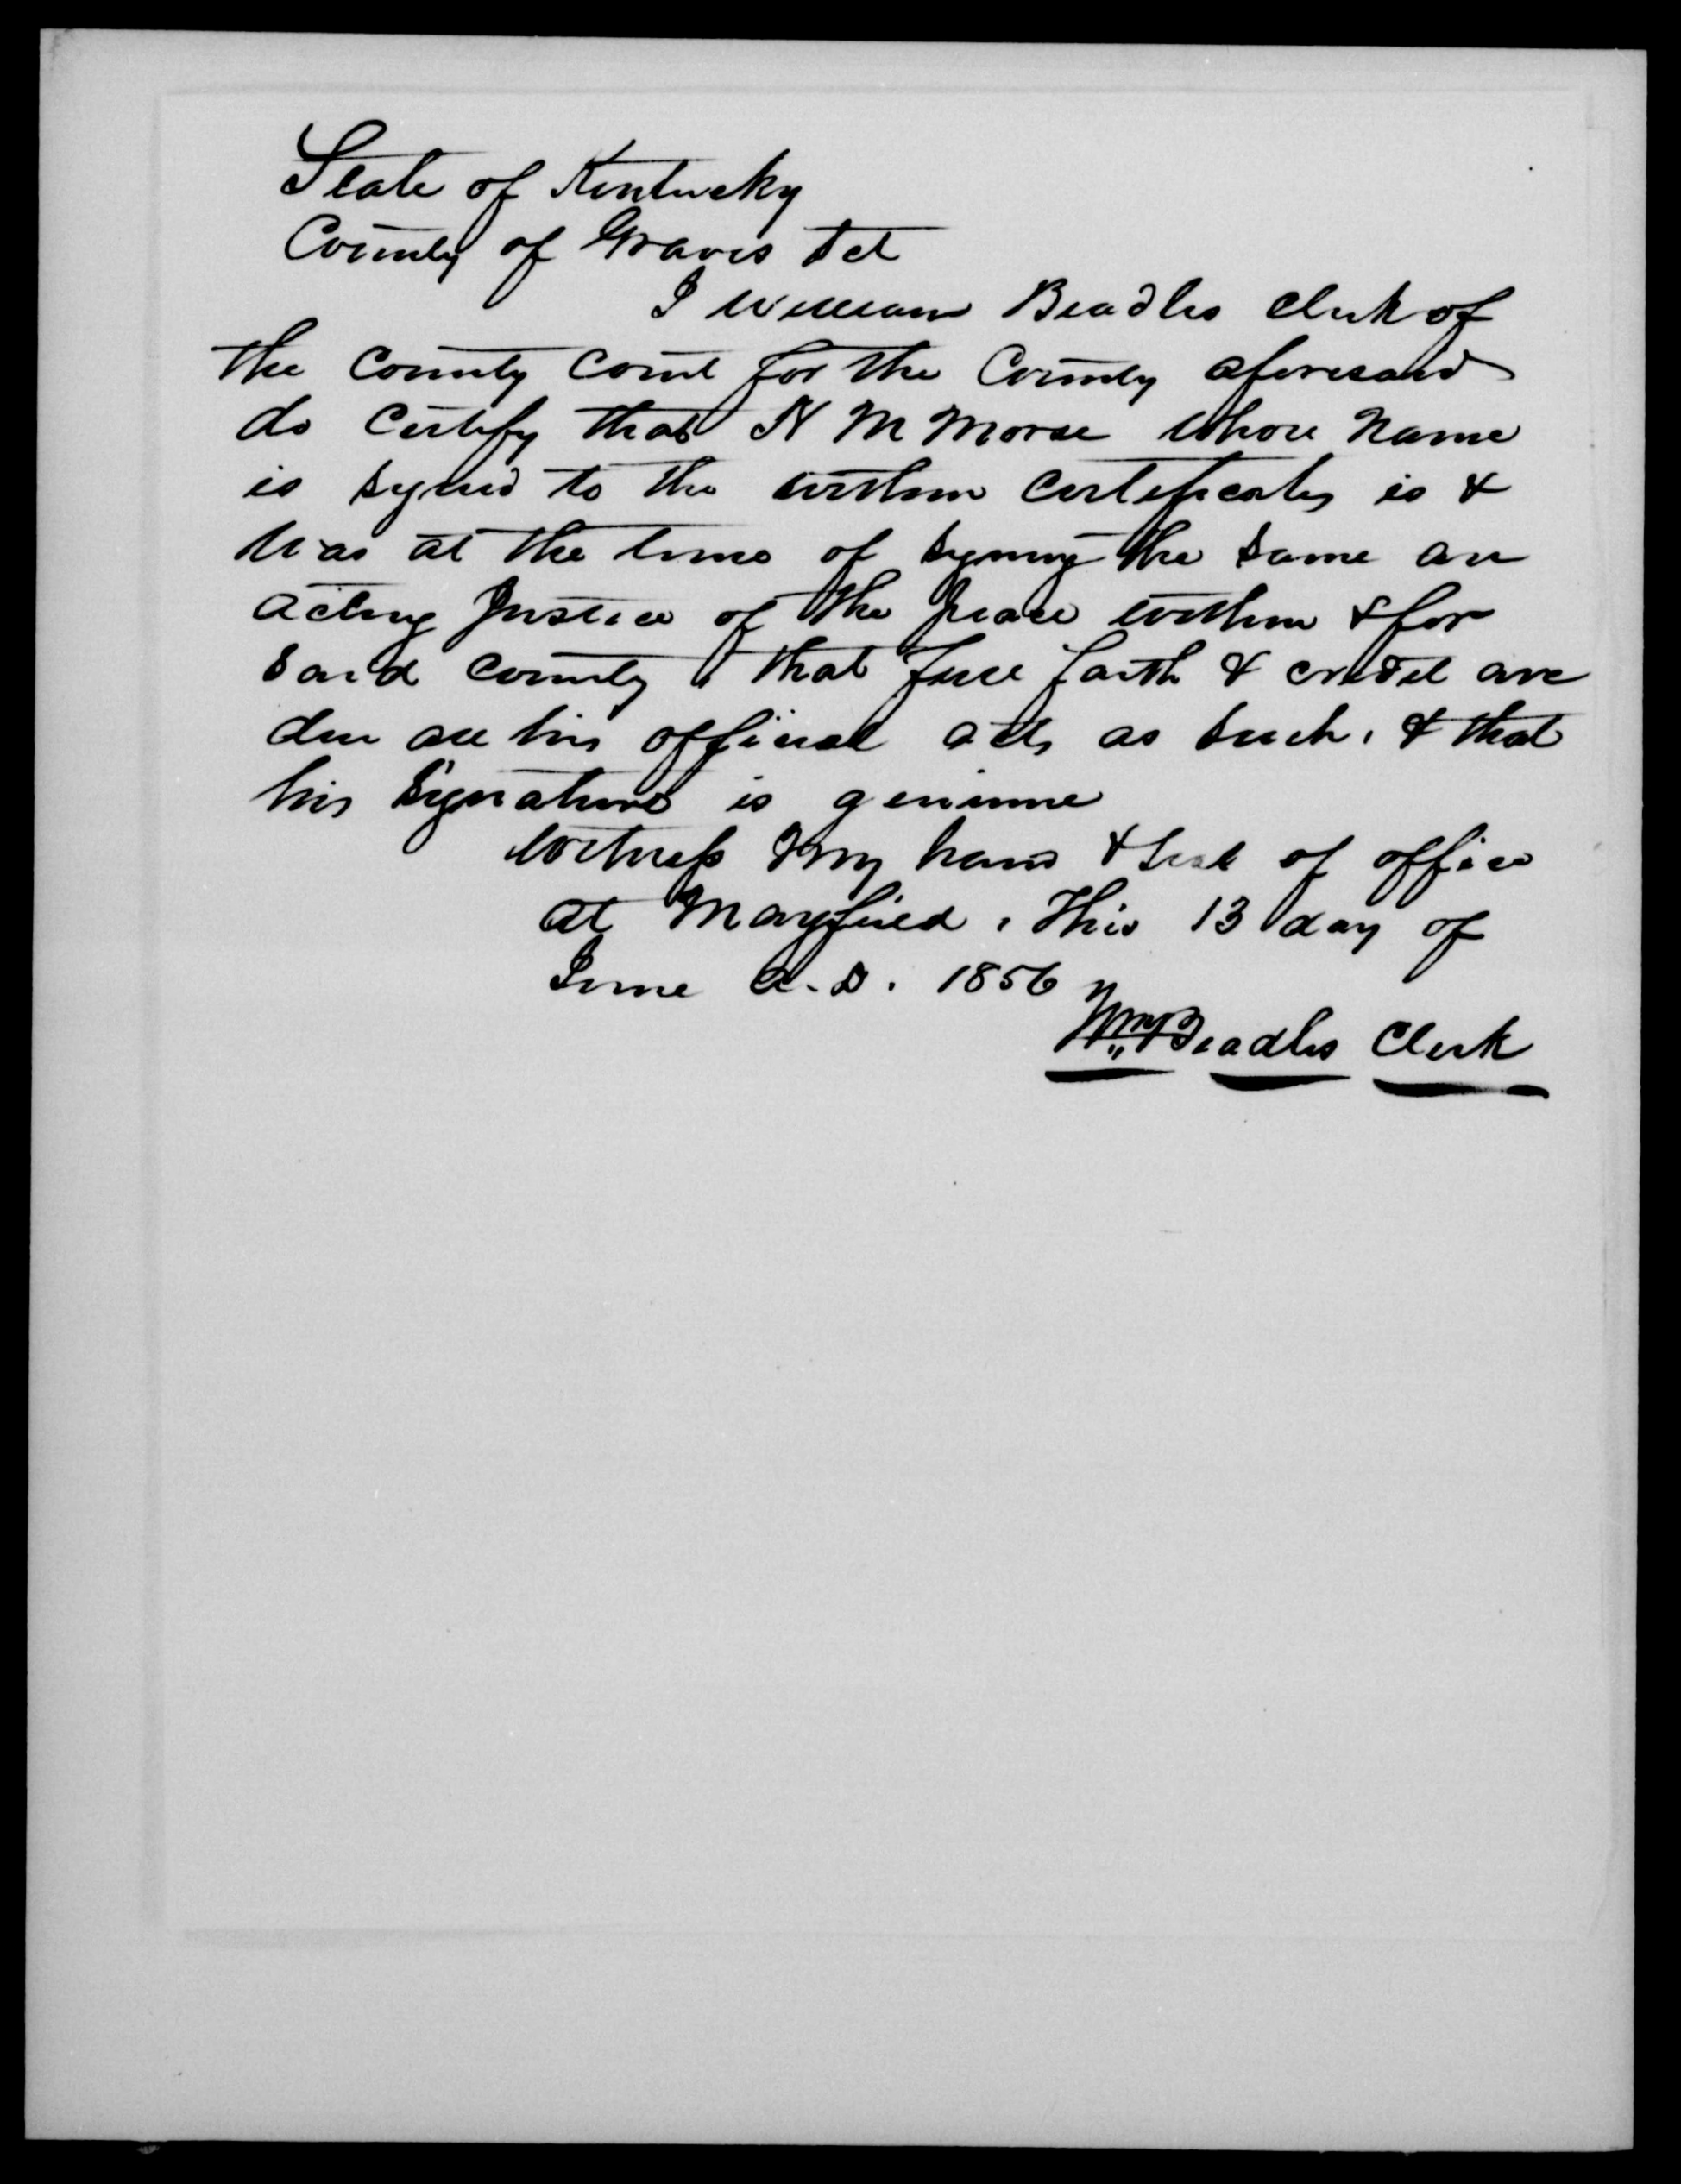State of Kentucky 
County of Graves seal
I William Beadles clerk of the County Court for the County aforesaid do certify that N M Morse whose name is signed to the within certificate is & was at the time of signing the Same an Acting Just of the peace within & for Said County That full faith & credit are due all his official acts as Such, & that his Signature is genuine
Witnefs my hand & Seal of office at Mayfield, This 13 day of June A. > 1856
Wm Beadles Clerk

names: N M Morse; Wm Beadles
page: 15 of 61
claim: widow's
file: W. 11554, for John Stafford, Maryland